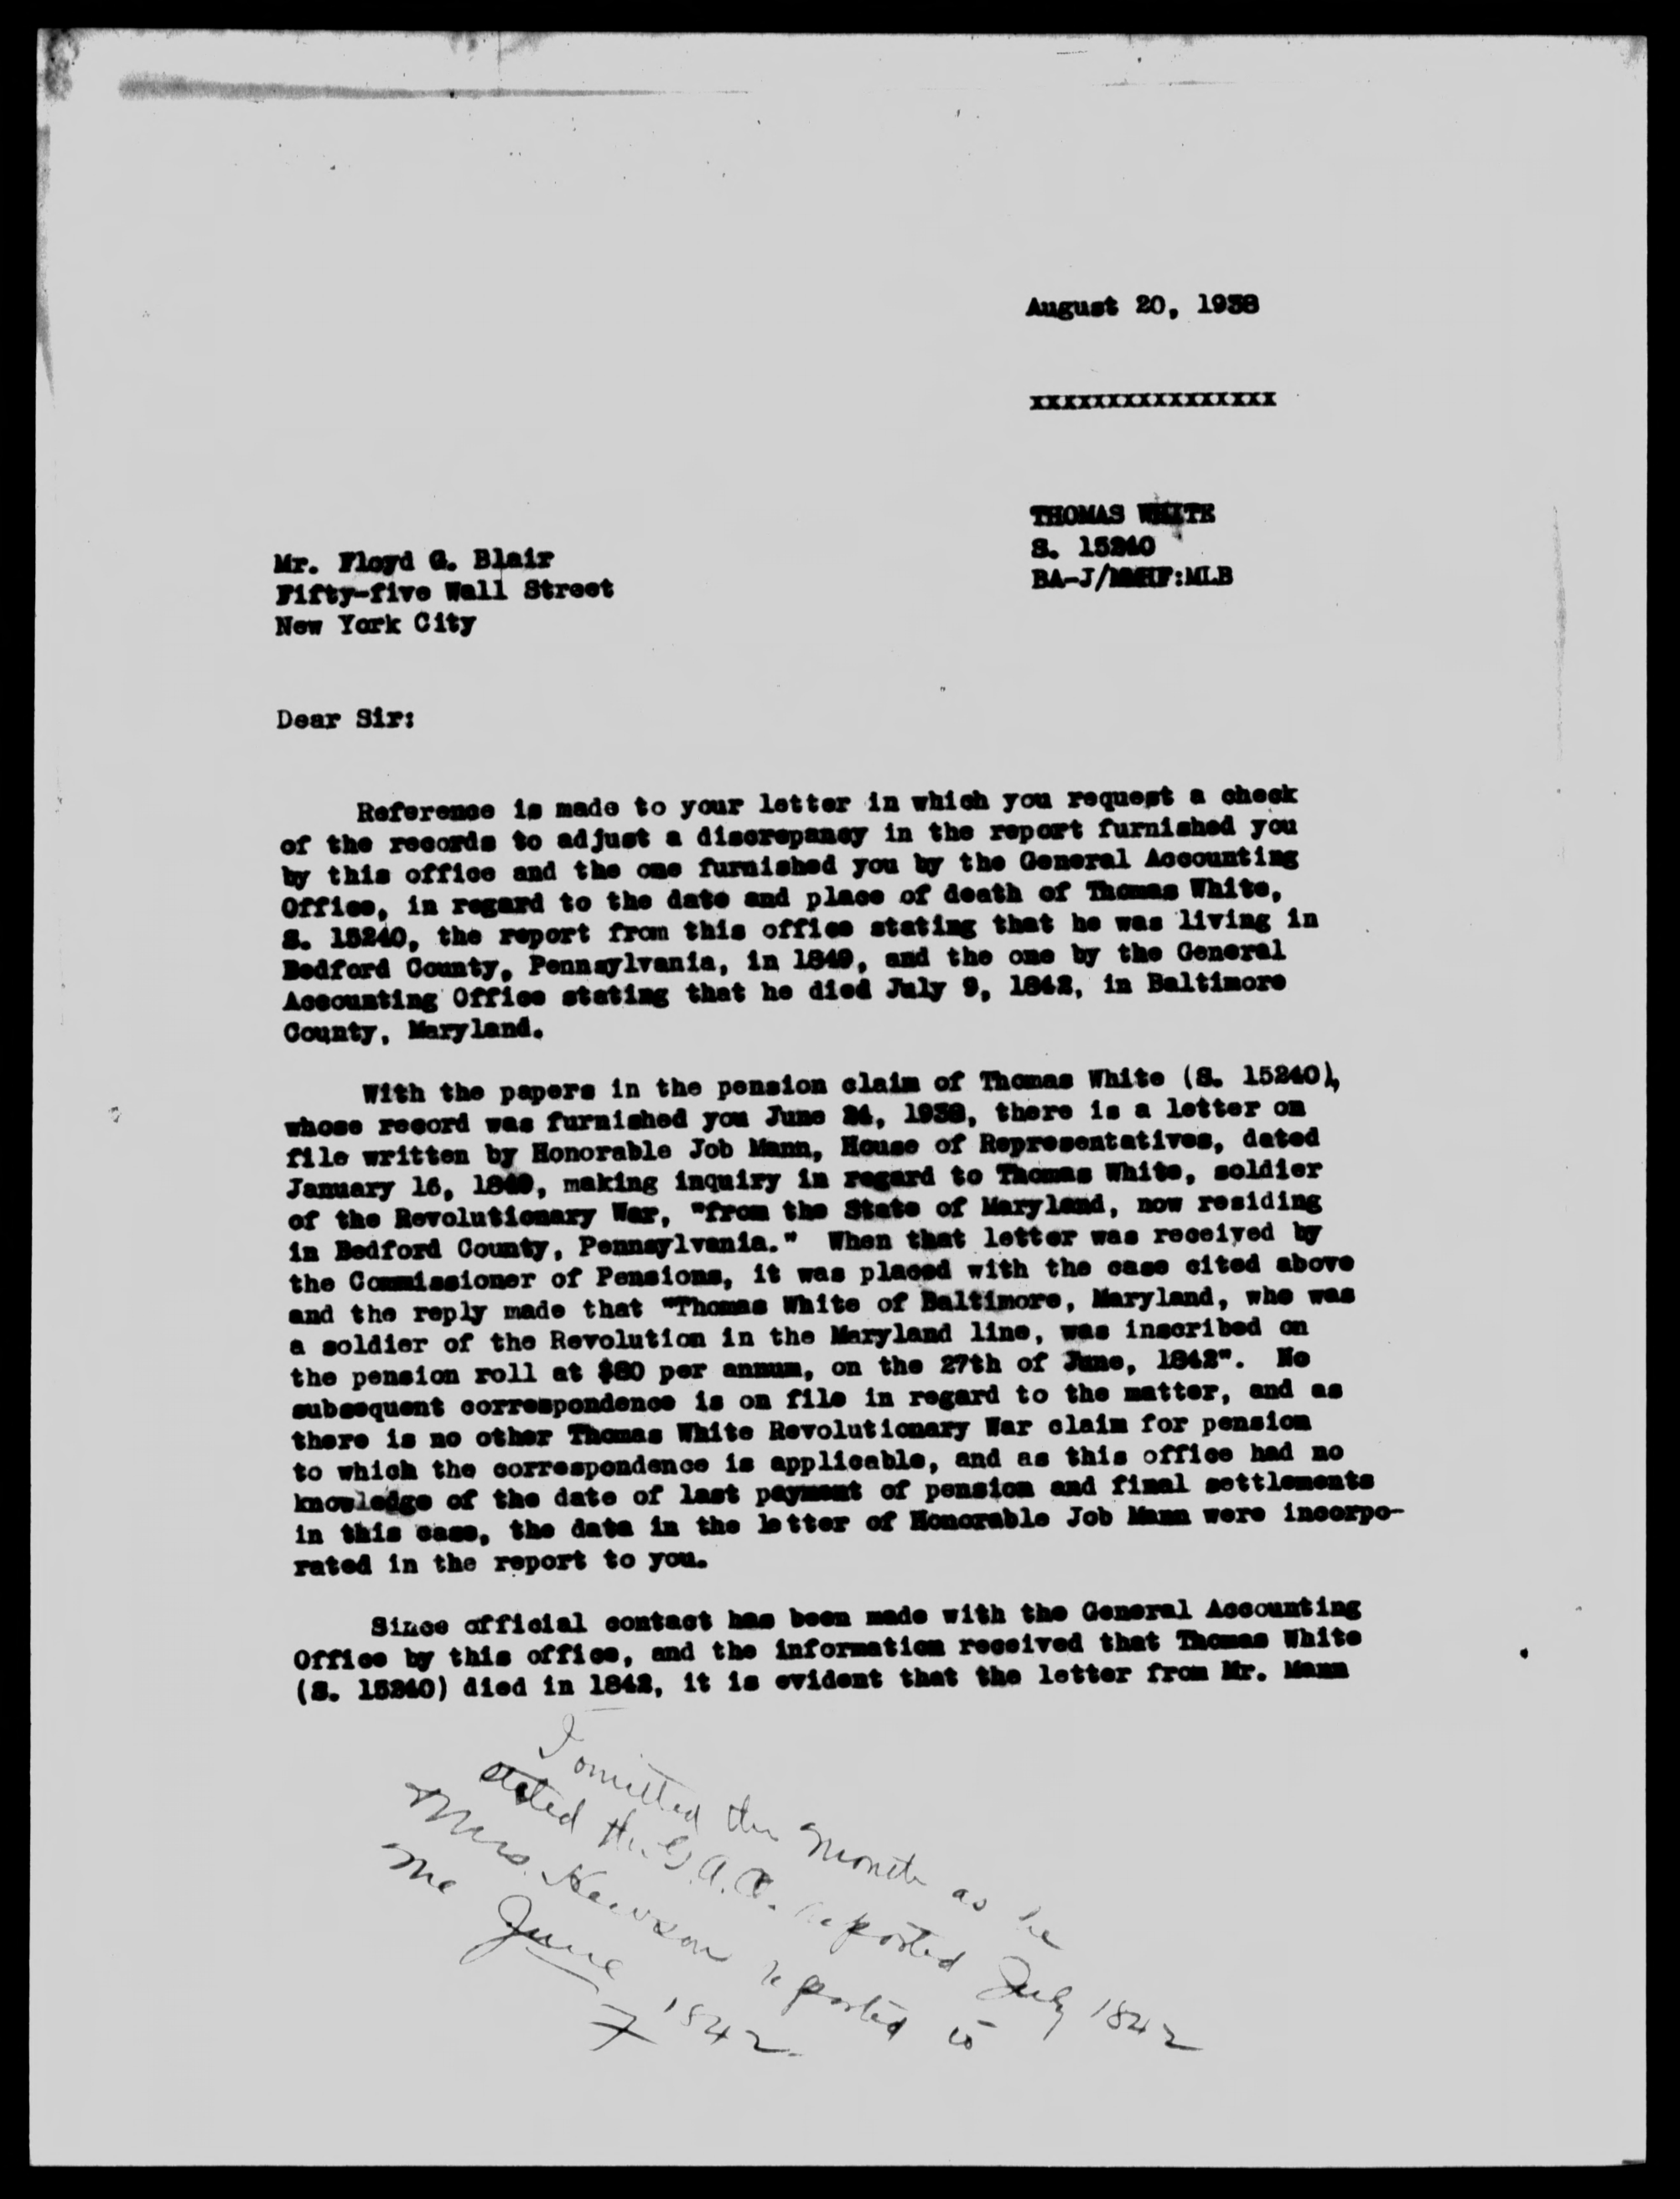August 20, 1838

xxxxxxxxxxxxxx

Mr. Floyd G. Blair | THOMAS WHITE
Fifty-five Wall Street | S. 15240
New York City | BA-J/MMHF:MLB

Dear Sir:

Reference is made to your letter in which you request a check 
of the records to adjust a discrepancy in the report furnished you 
by this office and the one furnished you by the General Accounting 
Office, in regard to the date and place of death of Thomas White, 
S. 15240, the report from this office stating that he was living in 
Bedford County, Pennsylvania, in 1849, and the one by the General 
Accounting Office stating that he died July 9, 1842, in Baltimore 
County, Maryland.

With the papers in the pension claim of Thomas White (S. 15240), 
whose record was furnished you June 24, 1938, there is a letter on 
file written by Honorable Job Mann, House of Representatives, dated 
January 16, 1849, making inquiry in regard to Thomas White, soldier 
of the Revolutionary War, "from the State of Maryland, now residing 
in Bedford County, Pennsylvania."  When that letter was received by 
the Commissioner of Pensions, it was placed with the case cited above 
and the reply made that "Thomas White of Baltimore, Maryland, who was 
a soldier of the Revolution in the Maryland line, was inscribed on 
the pension roll at $80 per annum, on the 27th of June, 1842".  No 
subsequent correspondence is on file in regard to the matter, and as 
there is no other Thomas White Revolutionary War claim for pension 
to which the correspondence is applicable, and as this office had no 
knowledge of the date of last payment of pension and final settlements 
in this case, the data in the letter of Honorable Job Mann were incorpo
rated in the report to you.

Since official contest has been made with the General Accounting 
Office by this office, and the information received that Thomas White 
(S. 15240) died in 1842, it is evident that the letter from Mr. Mann 


[Note bottom of page] I omitted the month as he 
stated the G.A.O. reported July 1842 
Mrs. Hewson reported to 
me June 1842.
F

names: Job Mann, Hewson, Floyd G Blair, Thomas White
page: 26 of 43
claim: survivor's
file: S. 15240, Thomas White, Md.